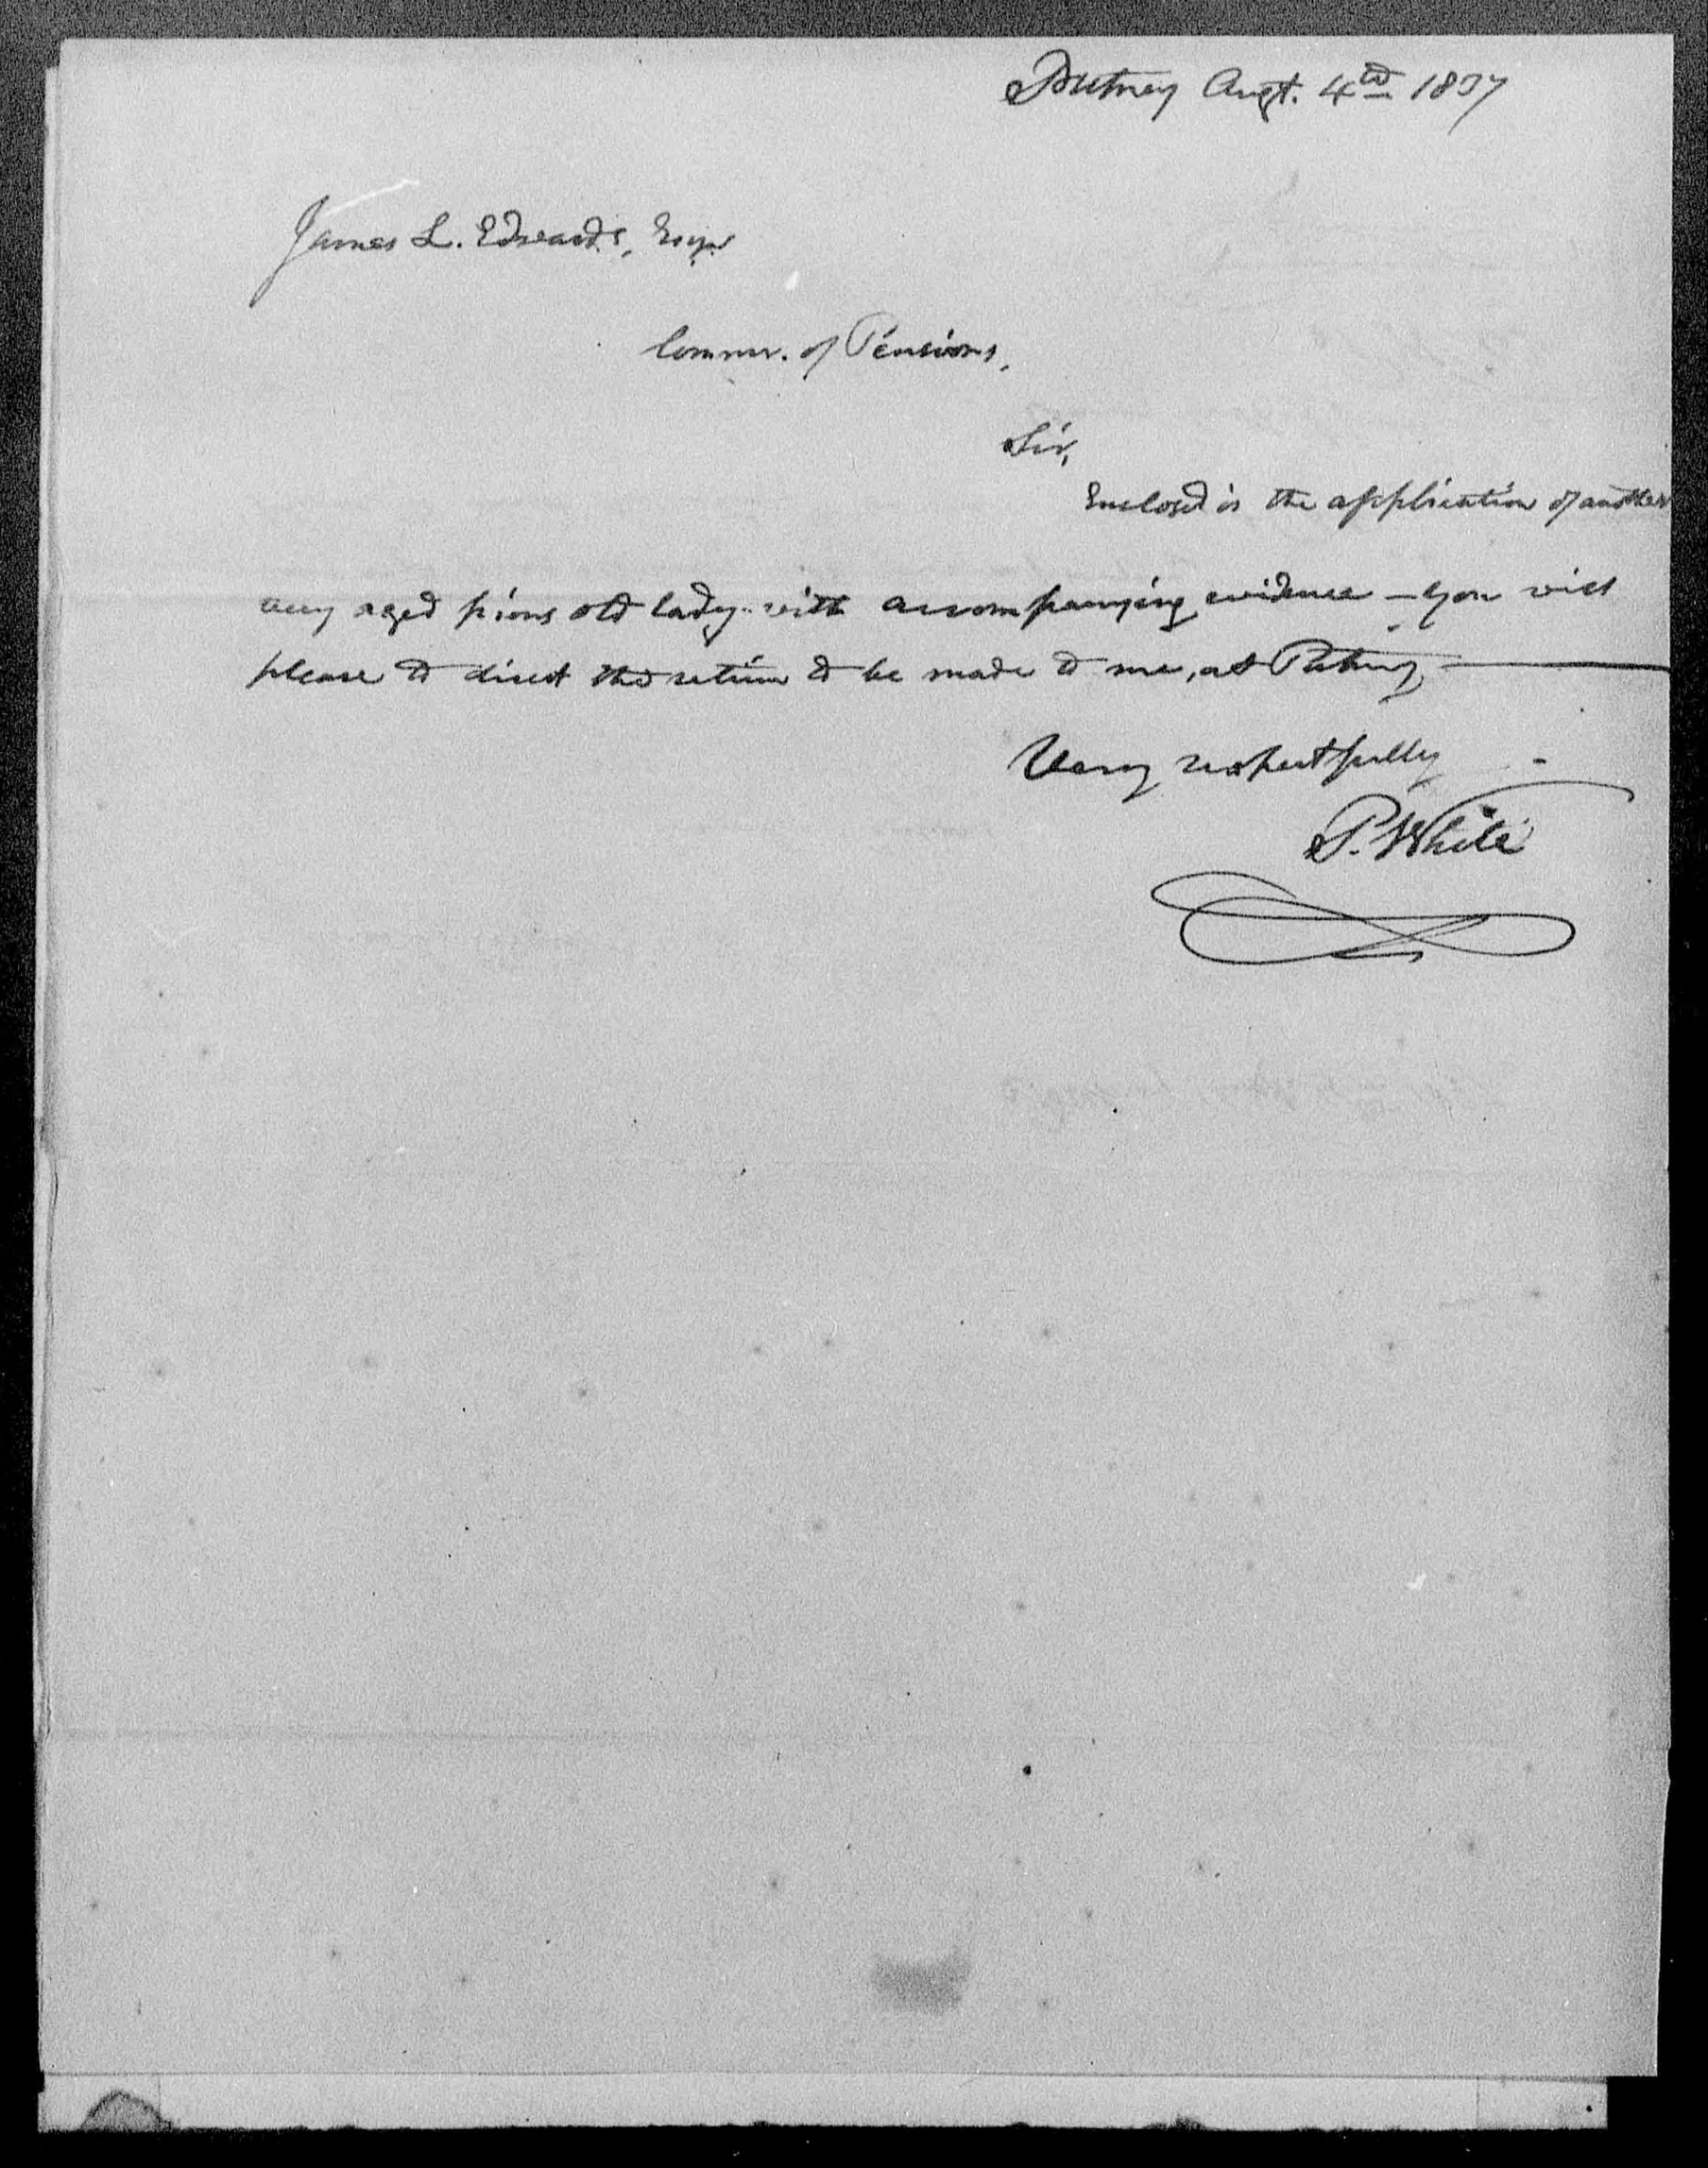Putney Augt. 4th 1807

James L. Edwards, Esqr.

Commr. of Pensions

Sir,
Enclosed is the application of another very aged pious old lady with accompanying evidence - you will please to direct the return to be made to me, at Putney -

Very respectfully

P. White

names: James L Edwards, P White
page: 8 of 17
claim: widow's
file: W. 20809, Ebenezer Burt, Mass.